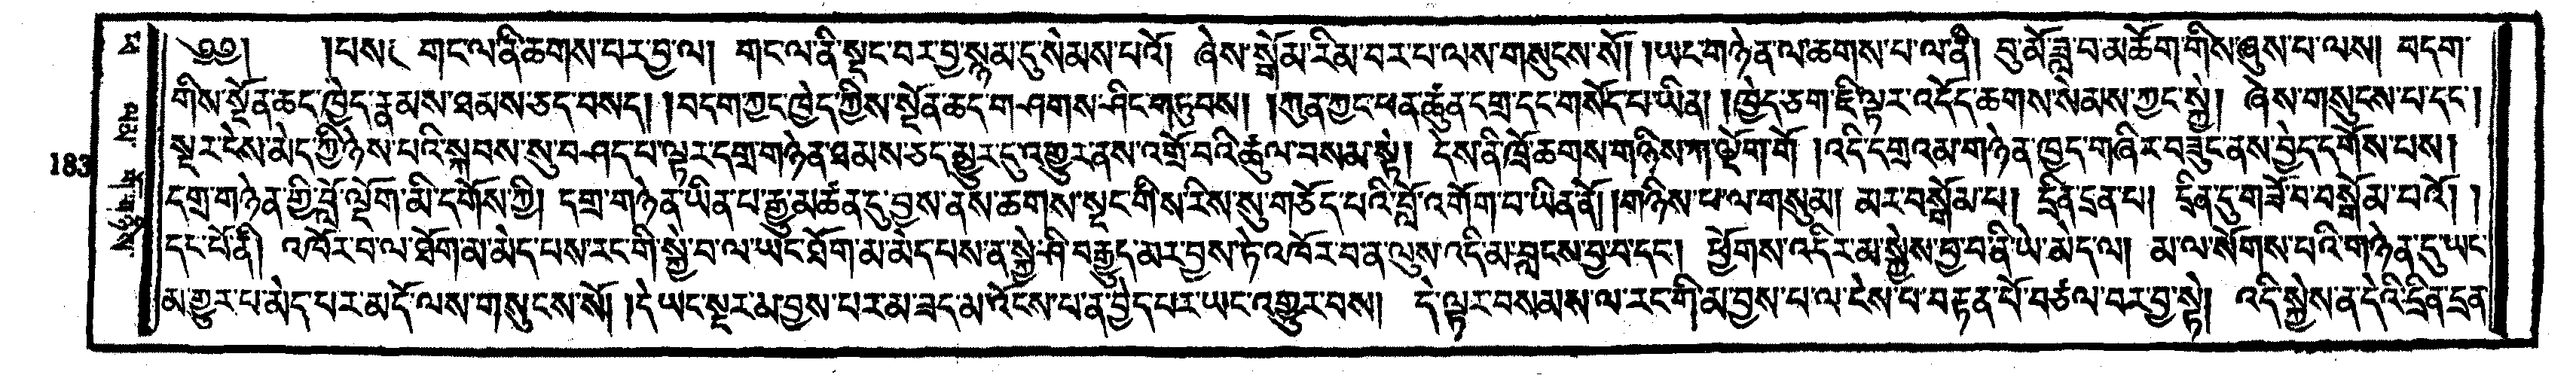༄༅། །པས༑ གང་ལ་ནི་ཆགས་པར་བྱ་ལ། གནག་ལ་ནི་སྡང་བར་སྙམ་དུ་སེམས་པའོ། ཞེས་སྒོམ་རིམ་བར་པ་ལས་གསུངས་སོ། །ཡང་གཉེན་ལ་ཆགས་པ་ལ་ནི། །བུ་མོ་ཟླ་བ་མཆོག་གིས་ཞུགས་པ་ལས། བདག་
གིས་སྔོན་ཆང་ཁྱེད་རྣམས་ཐམས་ཅད་བསད། །བདག་ཀྱང་ཁྱེད་ཀྱིས་སྔོན་ཆད་གཤགས་ཤིང་གཏུ་བས། །ཀུན་ཀྱང་ཕན་ཚུན་དགྲ་དང་གསོད་པ་ཡིན། །ཁྱེད་ཅག་ཇི་ལྟར་འདོད་ཆགས་སེམས་ཀྱང་སྐྱེ། ཞེས་གསུངས་པ་དང་།
སྔར་ངེས་མེད་ཀྱི་ཉེས་པའི་སྐབས་སུ་བཤད་པ་ལྟར་དགྲ་གཉེན་ཐམས་ཅད་མྱུར་དུ་འགྱུར་ནས་འགྲོ་བའི་ཚུལ་བསམ་སྟེ། དེས་ནི་ཁྲོ་ཆགས་གཉིས་ཀ་ལྡོག་གོ །འདི་དགྲའམ་གཉེན་ཁྱད་གཞིར་བཟུང་ནས་བྱེད་དགོས་པས།
དགྲ་གཉེན་གྱི་བློ་ལྡོག་མི་དགོས་ཀྱི། དགྲ་གཉེན་ཡིན་པ་རྒྱུ་མཚན་དུ་བྱས་ནས་ཆགས་སྡང་གིས་རིས་སུ་གཅོད་པའི་བློ་འགོག་པ་ཡིན་ནོ། །གཉིས་པ་ལ་གསུམ། མར་བསྒོམ་པ། དྲིན་དྲན་པ། དྲིན་དུ་གཟོ་བ་བསྒོམ་པའོ། །
དང་པོ་ནི། འཁོར་བ་ལ་ཐོག་མ་མེད་པས་རང་གི་སྐྱེ་བ་ལ་ཡང་ཐོག་མ་མེད་པས་ན་སྐྱེ་ཤི་བརྒྱུད་མར་བྱས་ཏེ་འཁོར་བ་ན་ལུས་འདི་མ་བླངས་བྱ་བ་དང་། ཕྱོགས་འདིར་མ་སྐྱེས་བྱ་བ་ནི་ཡེ་མེད་ལ། མ་ལ་སོགས་པའི་གཉེན་དུ་ཡང་
མ་གྱུར་པ་མེད་པར་མདོ་ལས་གསུངས་སོ། །དེ་ཡང་སྔར་མ་བྱས་པར་མ་ཟད་མ་འོངས་པ་ན་བྱེད་པར་ཡང་འགྱུར་བས། དེ་ལྟར་བསམས་ལ་རང་གི་མ་བྱས་པ་ལ་ངེས་པ་བརྟན་པོ་བཙལ་བར་བྱ་སྟེ། འདི་སྐྱེས་ན་དེའི་དྲིན་དྲན་